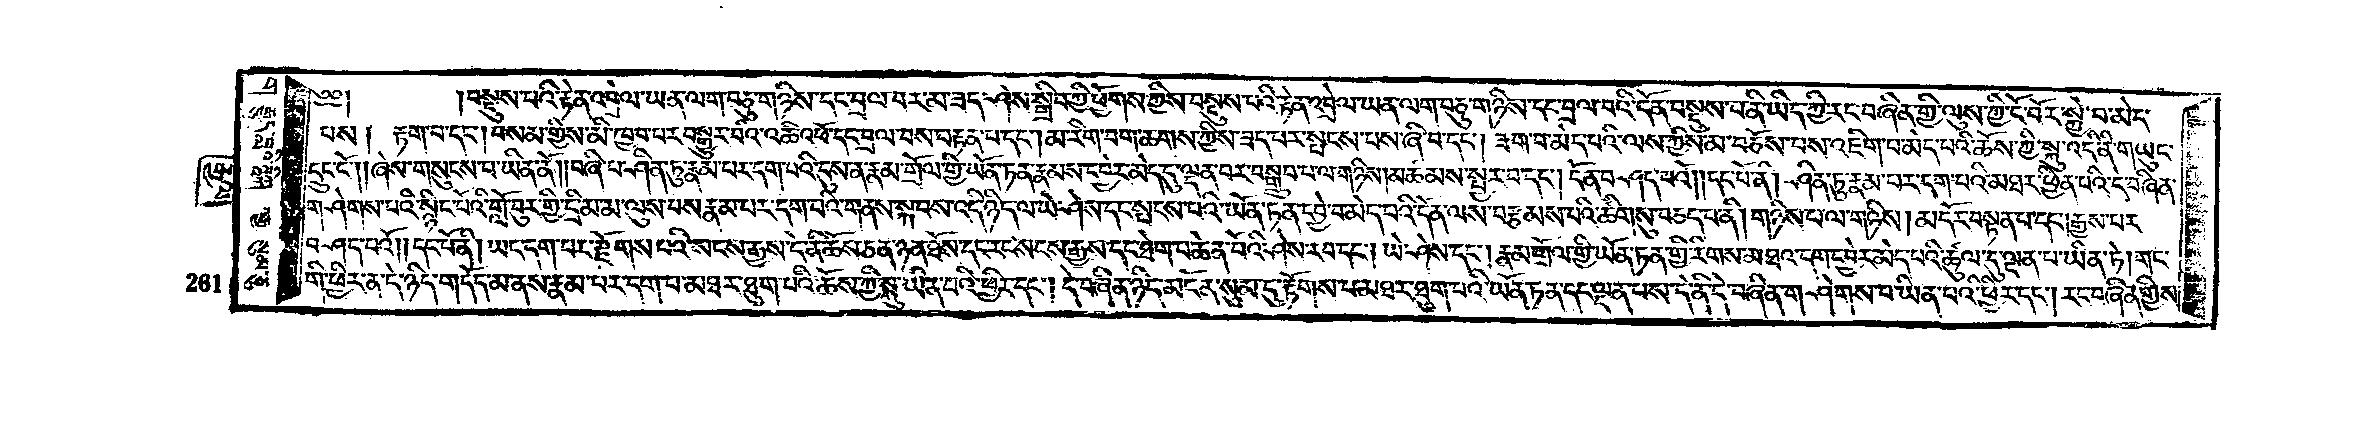༄༅། །བསྡུས་པའི་རྟེན་འབྲེལ་ཡན་ལག་བཅུ་གཉིས་དང་བྲལ་བར་མ་ཟད་ཤེས་སྒྲིབ་ཀྱི་ཕྱོགས་ཀྱིས་བསྡུས་པའི་རྟེན་འབྲེལ་ཡན་ལག་བཅུ་གཉིས་དང་བྲལ་བའི་དོན་བསྡུས་པ་ནི་ཡིད་ཀྱི་རང་བཞིན་གྱི་ལུས་ཀྱི་ངོ་བོར་སྐྱེ་བ་མེད་
པས༑ རྟག་པ་དང་། བསམ་གྱིས་མི་ཁྱབ་པར་བསྒྱུར་བའི་འཆི་འཕོ་དང་བྲལ་བས་བརྟན་པ་དང་། མ་རིག་བག་ཆགས་ཀྱིས་ཟད་པར་སྤངས་པས་ཞི་བ་དང་། ཟག་པ་མེད་པའི་ལས་ཀྱིས་མ་བཅོས་པས་འཇིག་པ་མེད་པའི་ཆོས་ཀྱི་སྐུ་འདི་ནི་གཡུང་
དྲུང་ངོ། །ཞེས་གསུངས་པ་ཡིན་ནོ། །བཞི་པ་ཤིན་ཏུ་རྣམ་པར་དག་པའི་དུས་ན་རྣམ་གྲོལ་གྱི་ཡོན་ཏན་རྣམས་དབྱེར་མེད་དུ་ལྡན་པར་བསྒྲུབ་པ་ལ་གཉིས། མཚམས་སྦྱར་བ་དང་། དོན་བཤད་པའོ། །དང་པོ་ནི། ཤིན་ཏུ་རྣམ་པར་དག་པའི་མཐར་ཕྱིན་པའི་དེ་བཞིན་
གཤེགས་པའི་སྙིང་པོའི་གློ་བུར་གྱི་དྲི་མ་མ་ལུས་པས་རྣམ་པར་དག་པའི་གནས་སྐབས་འདི་ཉིད་ལ་ཡེ་ཤེས་དང་སྤངས་པའི་ཡོན་ཏན་དབྱེ་བ་མེད་པའི་དོན་ལས་བརྩམས་པའི་ཚིགས་སུ་བཅད་པ་ནི། གཉིས་པ་ལ་གཉིས། མདོར་བསྟན་པ་དང་། རྒྱས་པར་
བཤད་པའོ། །དང་པོ་ནི། ཡང་དག་པར་རྫོགས་པའི་སངས་རྒྱས་དེ་ནི་ཆོས་ཅན་ཉན་ཐོས་དང་རང་སངས་རྒྱས་དང་ཐེག་པ་ཆེན་པོའི་ཤེས་རབ་དང་། ཡེ་ཤེས་དང་། རྣམ་གྲོལ་གྱི་ཡོན་ཏན་གྱི་རིགས་མཐའ་དག་དབྱེར་མེད་པའི་ཚུལ་དུ་ལྡན་པ་ཡིན་ཏེ། གང་
གི་ཕྱིར་ན་དེ་ཉིད་གདོད་མ་ནས་རྣམ་པར་དག་པ་མཐར་ཐུག་པའི་ཆོས་ཀྱི་སྐུ་ཡིན་པའི་ཕྱིར་དང་། དེ་བཞིན་ཉིད་མངོན་སུམ་དུ་རྟོགས་པ་མཐར་ཐུག་པའི་ཡོན་ཏན་དང་ལྡན་པས་དེ་ནི་དེ་བཞིན་གཤེགས་པ་ཡིན་པའི་ཕྱིར་དང་། རང་བཞིན་གྱིས་